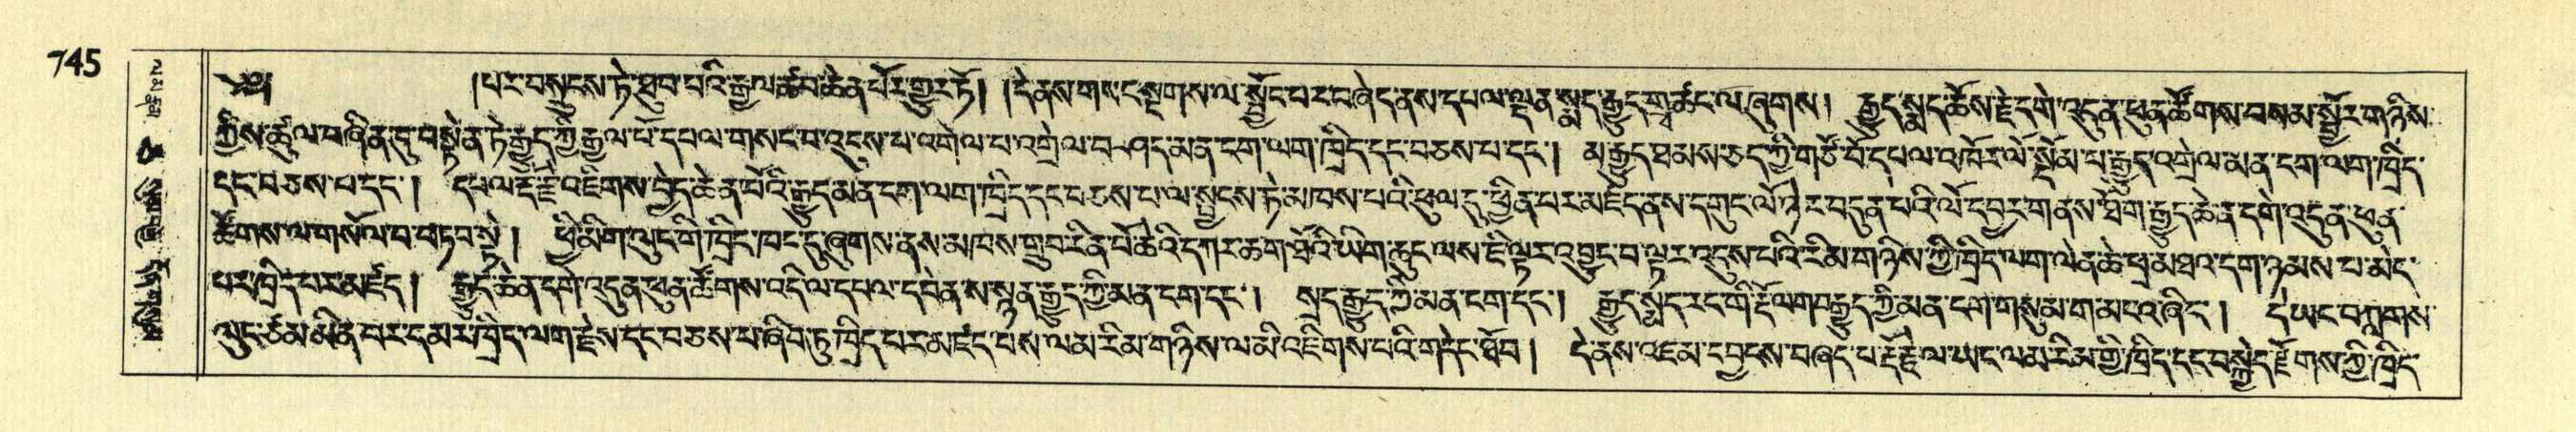༄༅། །པར་བསྲུངས་ཏེ་ཐུབ་པའི་རྒྱལ་ཚབ་ཆེན་པོར་གྱུར་ཏོ། །དེ་ནས་གསང་སྔགས་ལ་སྦྱོང་བར་བཞེད་ནས་དཔལ་ལྡན་སྨད་རྒྱུད་གྲྭ་ཚང་ལ་ཞུགས། རྒྱུད་སྨད་ཆོས་རྗེ་དགེ་འདུན་ཕུན་ཚོགས་བསམ་སྦྱོར་གཉིས་
ཀྱིས་ཚུལ་བཞིན་བུ་བསྟེན་ཏེ་རྒྱུད་ཀྱི་རྒྱལ་པོ་དཔལ་གསང་བ་འདུས་པ་འགེལ་བ་འགྲེལ་བཤད་མན་ངག་ལག་ཁྲིད་དང་བཅས་པ་དང་། མ་རྒྱུད་ཐམས་ཅད་ཀྱི་གཙོ་བོ་དཔལ་འཁོར་ལོ་སྔོམ་པ་རྒྱུད་འགྲེལ་མན་ངག་ལག་ཁྲིད་
དང་བཅས་པ་དང་། དཔལ་རྡོ་རྗེ་འཇིགས་བྱེད་ཆེན་པོའི་རྒྱུད་མན་ངག་ལག་ཁྲིད་དང་བཅས་པ་ལ་སྤྱངས་ཏེ་མཁས་པའི་ཕུལ་དུ་ཕྱིན་པར་མཛད་ནས་དགུང་ལོ་ཉེར་བདུན་པའི་ལོ་དབྱར་གནས་ཐོག་རྒྱུད་ཆེན་དགེ་འདུན་ཕུན་
ཚོགས་ལ་གསོལ་བ་བཏབ་སྟེ། ཕྱི་མིག་ལུང་གི་ཁྲིད་ཁང་དུ་ཞུགས་ནས་མཁས་གྲུབ་རིན་པོ་ཆེའི་དཀར་ཆག་ཐོའི་ཡིག་ཆུང་ལས་ཇི་ལྟར་འབྱུང་བ་ལྟར་འདུས་པའི་རིམ་གཉིས་ཀྱི་ཁྲིད་ལག་ལེན་ཆེ་ཕྲ་མཐའ་དག་ཉམས་པ་མེད་
པར་ཁྲིད་པར་མཛད། རྒྱུད་ཆེན་དགེ་འདུན་ཕུན་ཚོགས་འདི་ལ་དཔལ་དབེན་ས་སྙན་རྒྱུད་ཀྱི་མན་ངག་དང་། སྲད་རྒྱུད་ཀྱི་མན་ངག་དང་། རྒྱུད་སྨད་རང་གི་རྡོ་ལག་བརྒྱུད་ཀྱི་མན་ངག་གསུམ་ག་མངའ་ཞིང་། དེ་ཡང་བཀླགས་
ལུང་ཙམ་མིན་པར་དམར་ཁྲིད་ལག་རྗེས་དང་བཅས་པ་ཞིབ་ཏུ་ཁྲིད་པར་མཛད་པས་ལམ་རིམ་གཉིས་ལ་མི་འཇིགས་པའི་གདེང་ཐོབ། དེ་ནས་འཇམ་དབྱངས་བཞད་པ་རྡོ་རྗེ་ལ་ཡང་ལམ་རིམ་གྱི་ཁྲིད་དང་བསྐྱེད་རྫོགས་ཀྱི་ཁྲིད་